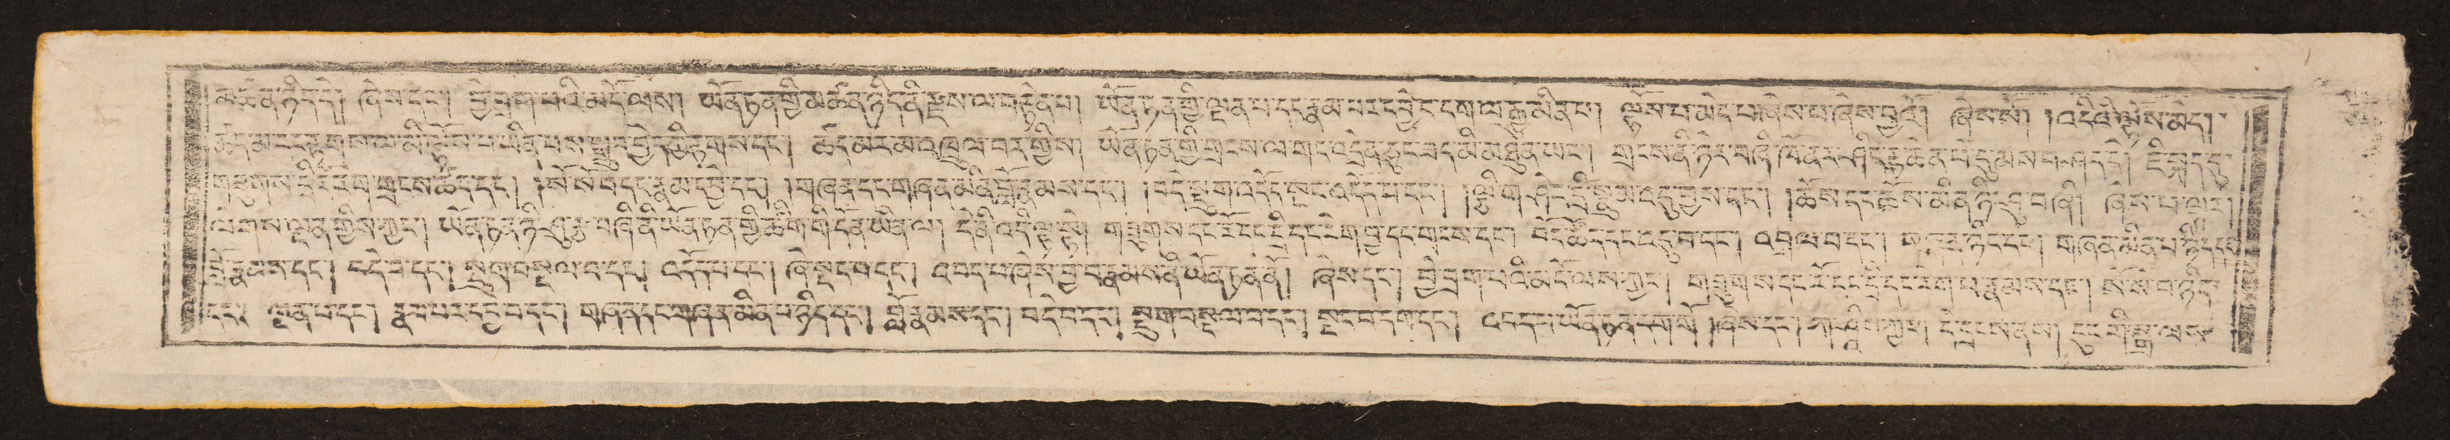མཚན་ཉིད་དེ། ཞེས་དང་། བྱེ་བྲག་པའི་མདོ་ལས། ཡོན་ཏན་གྱི་མཚན་ཉིད་ནི་རྫས་ལ་བརྟེན་པ། ཡོན་ཏན་གྱི་ལྡན་པ་དང་རྣམ་པར་དབྱེ་བ་དག་ལ་རྒྱུ་མིན་པ། ལྟོས་པ་མེད་པ་ཞེས་པ་ཞེས་བྱའོ། ཞེས་སོ། །འདིའི་ལྟོས་མེད།
ཚད་མ་དང་རྟགས་ལ་མི་ལྟོས་པ་ཡིན་པས་སྒྲུབ་བྱེད་ཀྱི་རྟགས་དང་། ཚད་མར་མ་འཁྲུལ་བར་གྱིས། ཡོན་ཏན་གྱི་གྲངས་ལ་གང་འདྲེན་ཅུང་ཟད་མི་མཐུན་ཡང་། གྲངས་ནི་ཉེར་བཞི་ཁོ་ནར་ཤིང་རྟ་ཆེན་པོ་དུ་མས་བཤད་དེ། ཇི་སྐད་དུ་
གཟུགས་དྲི་རོ་རེག་གྲངས་ཚད་དང་། །སོ་སོ་བ་དང་རྣམ་དབྱེ་དང་། །གཞན་དང་གཞན་མིན་བློ་རྣམས་དང་། །བདེ་སྡུག་འདོད་སྡང་འདོད་པ་དང་། །ལྕི་གཤེད་དྲི་སྣུམ་འདུ་བྱས་དང་། །ཆོས་དང་ཆོས་མིན་ཉི་ཤུ་བཞི། ཞེས་པ་ལྟར།
ལེགས་ལྡན་གྱིས་ཀྱང་། ཡོན་ཏན་ཉི་ཤུ་རྩ་བཞི་ནི་ཡོན་ཏན་གྱི་ཚིག་གི་དོན་ཡིན་ལ། དེ་ནི་འདི་ལྟ་སྟེ། གཟུགས་དང་རོ་དང་དྲི་དང་རེག་བྱ་དང་གངས་དང་། བོད་ཚོད་དང་འདུ་བ་དང་། འབྲལ་བ་དང་། གཞན་ཉིད་དང་། གཞན་མིན་པ་ཉིད་དང་
བློ་རྣམས་དང་། བདེ་བ་དང་། སྡུག་བསྔལ་བ་དང་། འདོད་པ་དང་། ཞེ་སྡང་བ་དང་། འབད་པ་ཞེས་བྱ་བ་རྣམས་ནི་ཡོན་ཏན་ནོ། ཞེས་དང་། བྱེ་བྲ་གི་པའི་མདོ་ལས་ཀྱང་། གཟུགས་དང་རོ་དང་དྲི་དང་རེག་པ་རྣམས་དང་། སོ་སོ་བ་ཉིད་
དང༑ ལྡན་པ་དང་། རྣམ་པར་དབྱེ་བ་དང་། གཞན་དང་གཞན་མིན་པ་ཉིད་དང་། བློ་རྣམས་དང་། བདེ་བ་དང་། སྡུག་བསྔལ་བ་དང་། སྡང་བ་དག་དང་། འབད་པ་ཡོན་ཏན་དག་གོ །ཞེས་དང་། ཀ་ཤཱིས་ཀྱང་། དེ་དྲངས་ནས། དུང་གི་སྒྲ་ལས་